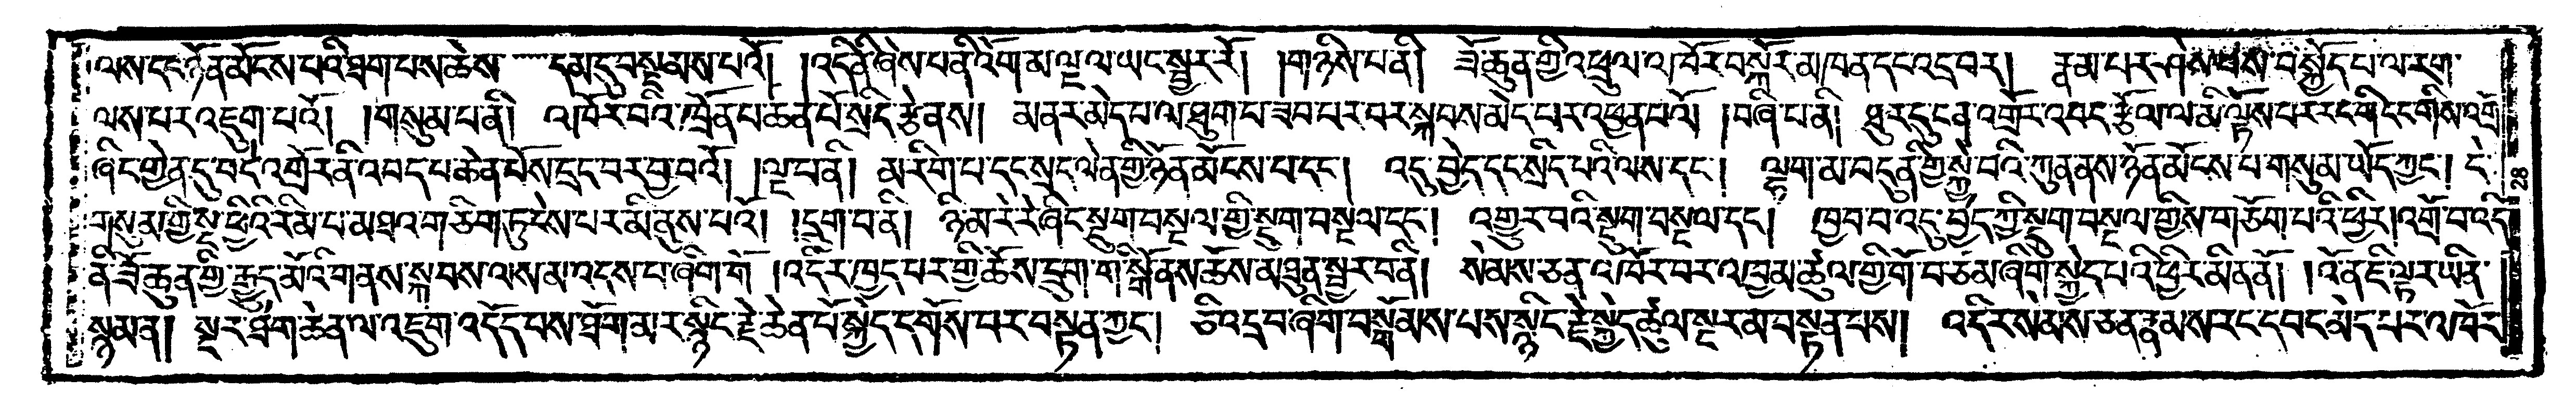ལས་དང་ཉོན་མོངས་པའི་ཐག་པས་ཆེས་དམ་དུ་བསྡམས་པའོ། །འདི་ནི་ཞེས་པ་ནི་འོག་མ་ལྔ་ལ་ཡང་སྦྱར་རོ། །གཉིས་པ་ནི། ཟོ་ཆུན་གྱི་འཕྲུལ་འཁོར་བསྐོར་མཁན་དང་འདྲ་བར། རྣམ་པར་ཤེས་པས་བསྐྱེད་པ་ལ་རག་
ལས་པར་འཇུག་པའོ། །གསུམ་པ་ནི། འཁོར་བའི་ཁྲོན་པ་ཆེན་པོ་སྲིད་རྩེ་ནས། མནར་མེད་པ་ལ་ཐུག་པ་ཟབ་པར་བར་སྐབས་མེད་པར་འཕྱན་པའོ། །བཞི་པ་ནི། ཐུར་དུ་ངན་འགྲོར་འབད་རྩོལ་ལ་མི་ལྟོས་པར་རང་གི་ངང་གིས་འགྲོ་
ཞིང་གྱེན་དུ་བདེ་འགྲོར་ནི་འབད་པ་ཆེན་པོས་དྲང་བར་བྱ་བའོ། །ལྔ་པ་ནི། མ་རིག་པ་དང་སྲེད་ལེན་གྱི་ཉོན་མོངས་པ་དང་། འདུ་བྱེད་དང་སྲིད་པའི་ལས་དང་། ལྷག་མ་བདུན་གྱི་སྐྱེ་བའི་ཀུན་ནས་ཉོན་མོངས་པ་གསུམ་ཡོད་ཀྱང་། དེ་
གསུམ་གྱི་སྔ་ཕྱིའི་རིམ་པ་མཐའ་གཅིག་ཏུ་ངེས་པར་མི་ནུས་པའོ། །དྲུག་པ་ནི། ཉི་མ་རེ་རེ་ཞིང་སྡུག་བསྔལ་གྱི་སྡུག་བསྔལ་དང་། འགྱུར་བའི་སྡུག་བསྔལ་དང་། ཁྱབ་པ་འདུ་བྱེད་ཀྱི་སྡུག་བསྔལ་གྱིས་གཅོག་པའི་ཕྱིར། འགྲོ་བ་འདི་
ནི་ཟོ་ཆུན་གྱི་རྒྱུད་མོའི་གནས་སྐབས་ལས་མ་འདས་པ་ཞིག་གོ། འདིར་ཁྱད་པར་གྱི་ཆོས་དྲུག་གི་སྒོ་ནས་ཆོས་མཐུན་སྦྱར་བ་ནི། སེམས་ཅན་འཁོར་བར་འཁྱམས་ཚུལ་གྱི་གོ་བ་ཙམ་ཞིག་སྐྱེད་པའི་ཕྱིར་མིན་ནོ། །འོ་ན་ཇི་ལྟར་ཡིན་
སྙམ་ན། སྔར་ཐེག་ཆེན་ལ་འཇུག་འདོད་པས་ཐོག་མར་སྙིང་རྗེ་ཆེན་པོ་སྐྱེད་དགོས་པར་བསྟན་ཀྱང་། ཅི་འདྲ་བ་ཞིག་བསྒོམས་པས་སྙིང་རྗེ་སྐྱེད་ཚུལ་སྔར་མ་བསྟན་པས། འདིར་སེམས་ཅན་རྣམས་རང་དབང་མེད་བར་འཁོར་